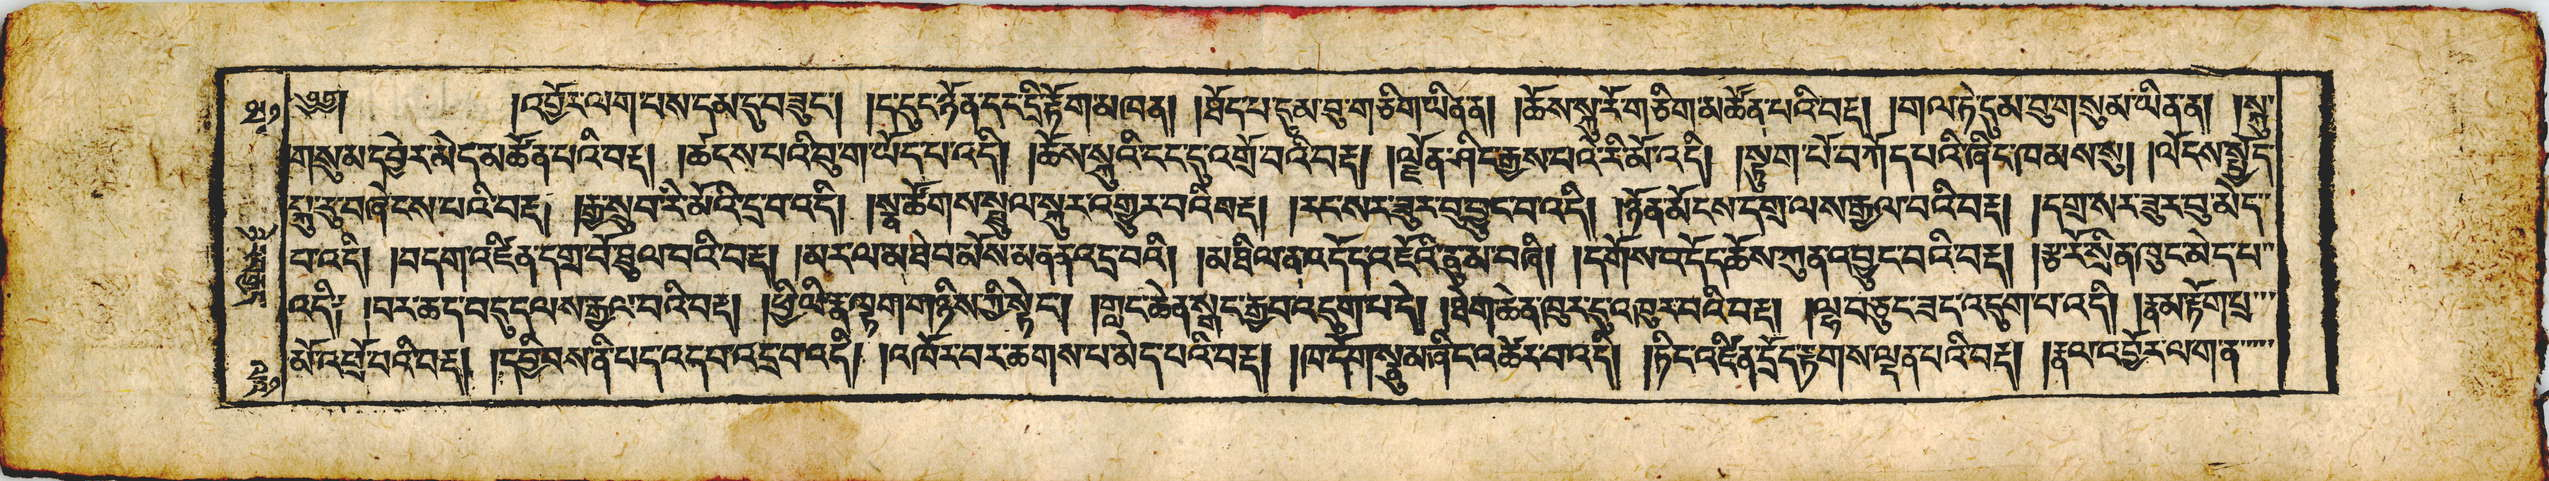འབྱོར་ལག་པས་དམ་དུ་བཟུང་། །ད་དུང་ཉོན་དང་དྲི་རྟོག་མཁན། །ཐོད་པ་དུམ་བུ་གཅིག་ཡིན་ན། །ཆོས་སྐུ་རོ་གཅིག་མཚོན་པའི་བརྡ། །གལ་ཏེ་དུམ་བུ་གསུམ་ཡིན་ན། །སྐུ་
གསུམ་དབྱེར་མེད་མཚོན་པའི་བརྡ། །ཚངས་པའི་བུ་ག་ཡོད་པ་འདི། །ཆོས་སྐུའི་ངང་དུ་འགྲོ་བའི་བརྡ། །ལྗོན་ཤིང་རྒྱས་པའི་རི་མོ་འདི། །སྟུག་པོ་བཀོདཔའི་ཞིང་ཁམས་སུ། །ལོངས་སྤྱོད་
སྐུ་རུ་བཞེངས་པའི་བརྡ། །རྒྱ་སྲུབ་རི་མོའི་དྲ་བ་འདི། །སྣ་ཚོགས་སྤྲུལ་སྐུར་འགྱུར་བའི་བརྡ། །རང་སར་ཟུར་བུ་བྱུང་བ་འདི། །ཉོན་མོངས་དགྲ་ལས་རྒྱལ་བའི་བརྡ། །དགྲ་སར་ཟུར་བུ་མེད་
བ་འདི། །བདག་འཛིན་དགྲ་བོ་ཐུལ་བའི་བརྡ། །མར་ལ་མཐིབ་མེས་མནན་འདྲ་བའི། །མཐིལ་ན་འདོད་འཇོའི་ནུ་མ་བཞི། །དགོས་འདོད་ཆོས་ཀུན་འབྱུང་བའི་བརྡ། །རྩ་རོ་སྲིན་ཁུང་མེད་པ་
འདི། །བར་ཆད་བདུད་ལས་རྒྱལ་བའིབརྡ། །ཕྱི་ཡི་རྣ་ལྟག་གཉིས་ཀྱི་སྟེང་། །གླང་ཆེན་སྒང་རྒྱབ་འདུག་པ་དེ། །ཐེག་ཆེན་ཁུར་དུ་འཁུར་བའི་བརྡ། །ལྷ་བ་ཅུང་ཟད་འདུག་པ་འདི། །རྣམ་རྟོག་ཕྲ་
མོ་འཕྲོ་བའི་བརྡ། །དབྱིབས་ནི་པད་འདབ་འདྲ་བ་འདི། །འཁོར་བར་ཆགས་པ་མེད་པའི་བརྡ། །ཁ་དོག་སྣུམ་ཞིང་འཚེར་བ་འདི། །ཏིང་འཛིན་དྲོད་རྟགས་ལྡན་པའི་བརྡ། །རྣལ་འབྱོར་ལག་ན་